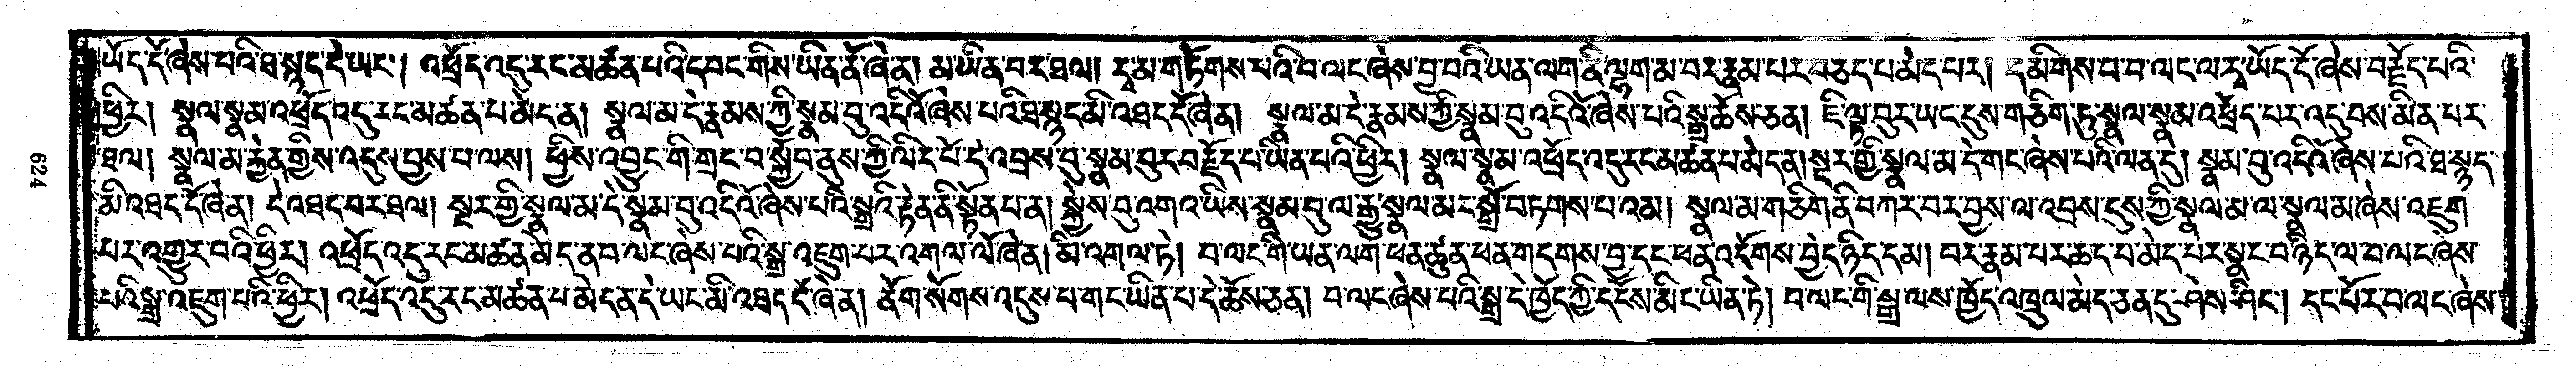ཡོད་དོ་ཞེས་པའི་ཐ་སྙད་དེ་ཡང་། འཕྲོད་འདུ་རང་མཚན་པའི་དབང་གིས་ཡིན་ནོ་ཞེ་ན། མ་ཡིན་བར་ཐལ། རྭ་མ་གཏོགས་པའི་བ་ལང་ཞེས་བྱ་བའི་ཡན་ལག་ནི་ལྷག་མ་བར་རྣམ་པར་བཅད་པ་མེད་པར། དམིགས་པ་བ་ལང་ལ་རྭ་ཡོད་དོ་ཞེས་བརྗོད་པའི་
ཕྱིར། སྣལ་སྣམ་འཕྲོད་འདུ་རང་མཚན་པ་མེད་ན། སྣལ་མ་དེ་རྣམས་ཀྱི་སྣམ་བུ་འདིའོ་ཞེས་པའི་ཐ་སྙད་མི་འཐད་དོ་ཞེ་ན། སྣལ་མ་དེ་རྣམས་ཀྱི་སྣམ་བུ་འདིའོ་ཞེས་པའི་སྒྲ་ཆོས་ཅན། ཇི་ལྟ་བུར་ཡང་དུས་གཅིག་ཏུ་སྣལ་སྣམ་འཕྲོད་པར་འདུ་བས་མིན་པར་
ཐལ། སྣལ་མ་རྐྱེན་གྱིས་འདུས་བྱས་པ་ལས། ཕྱིས་འབྱུང་གི་གྲང་བ་སྐྱོབ་ནུས་ཀྱི་ལིང་པོ་དེ་འབྲས་བུ་སྣམ་བུར་བརྗོད་པ་ཡིན་པའི་ཕྱིར། སྣལ་སྣམ་འཕྲོད་འདུ་རང་མཚན་པ་མེད་ན། སྔར་གྱི་སྣལ་མ་དེ་གང་ཞེས་པའི་ལན་དུ། སྣམ་བུ་འདིའོ་ཞེས་པའི་ཐ་སྙད་
མི་འཐད་དོ་ཞེ་ན། དེ་འཐད་བར་ཐལ། སྔར་གྱི་སྣལ་མ་དེ་སྣམ་བུ་འདིའོ་ཞེས་པའི་སྒྲའི་རྟེན་ནི་སྟོན་པ་ན། སྐྱེས་བུ་འགའ་ཡིས་སྣམ་བུ་ལ་རྒྱུ་སྣལ་མར་སྒྲོ་བཏགས་པ་འམ། སྣལ་མ་གཅིག་ནི་བཀར་བར་བྱས་ལ་འབྲས་དུས་ཀྱི་སྣལ་མ་ལ་སྣལ་མ་ཞེས་འཇུག་
པར་འགྱུར་བའི་ཕྱིར། འཕྲོད་འདུ་རང་མཚན་མེད་ནབ་ལང་ཞེས་པའི་སྒྲ་འཇུག་པར་འགལ་ལོ་ཞེ་ན། མི་འགལ་ཏེ། བ་ལང་གི་ཡན་ལག་ཕན་ཚུན་ཕན་གདགས་བྱ་དང་ཕན་འདོགས་བྱེད་ཉིད་དམ། བར་རྣམ་པར་ཆད་པ་མེད་པར་སྣང་བ་ཉིད་ལ་བ་ལང་ཞེས་
པའི་སྒྲ་འཇུག་པའི་ཕྱིར། འཕྲོད་འདུ་རང་མཚན་པ་མེད་ན་དེ་ཡང་མི་འཐད་དོ་ཞེ་ན། ནོག་སོགས་འདུས་པ་གང་ཡིན་པ་དེ་ཆོས་ཅན། བ་ལང་ཞེས་པའི་སྒྲ་དེ་ཁྱོད་ཀྱི་དངོས་མིང་ཡིན་ཏེ། བ་ལང་གི་སྒྲ་ལས་ཁྱོད་འཁྲུལ་མེད་ཅན་དུ་ཤེས་ཤིང་། དང་པོར་བ་ལང་ཞེས་